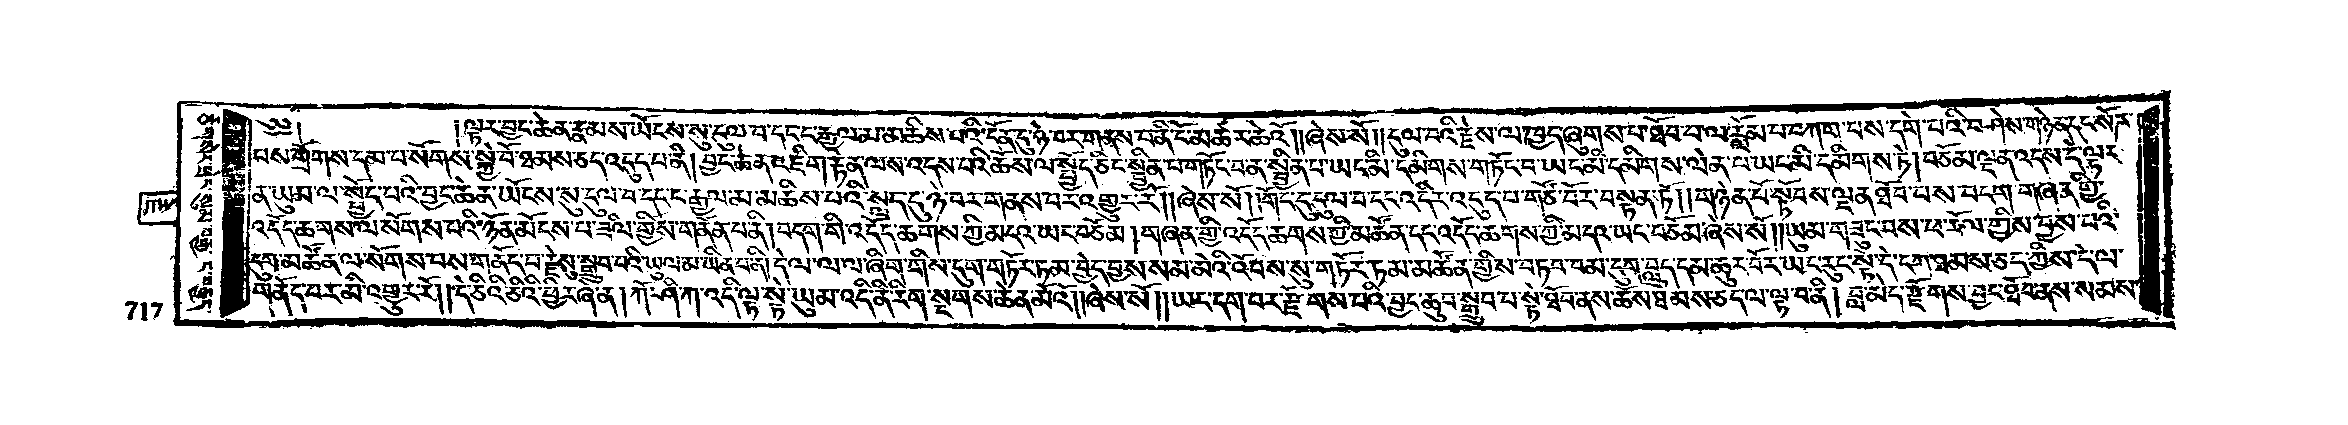༄༅། །ལྟར་བྱང་ཆེན་རྣམས་ཡོངས་སུ་དུལ་བ་དང་ང་རྒྱལ་མ་མཆིས་པའི་དོན་དུ་ཉེ་བར་གནས་པ་ནི་ངོ་མཚར་ཆེའོ། །ཞེས་སོ། །དུལ་བའི་རྗེས་ལ་ཁྱད་ཞུགས་པ་ཐོབ་པ་ལ་རློམ་པ་བཀག་པས་དགེ་བའི་བཤེས་གཉེན་དང་སོགས་
པས་གྲོགས་དམ་པ་སོགས་སྐྱེ་བོ་ཐམས་ཅད་འདུད་པ་ནི། བྱང་ཆེན་འཇིག་རྟེན་ལས་འདས་པའི་ཆོས་ལ་སྤྱོད་ཅིང་སྦྱིན་པ་གཏོང་བ་ན་སྦྱིན་པ་ཡང་མི་དམིགས་གཏོང་བ་ཡང་མི་དམིགས་ལེན་པ་ཡང་མི་དམིགས་ཏེ། བཅོམ་ལྡན་འདས་དེ་ལྟར་
ན་ཡུམ་ལ་སྤྱོད་པའི་བྱང་ཆེན་ཡོངས་སུ་དུལ་བ་དང་ང་རྒྱལ་མ་མཆིས་པའི་སླད་དུ་ཉེ་བར་གནས་པར་འགྱུར་རོ། །ཞེས་སོ། །གོང་དུ་དུལ་བ་དང་འདིར་འདུད་པ་གཙོ་བོར་བསྟན་ཏོ། །གཉེན་པོ་སྟོབས་ལྡན་ཐོབ་པས་བདག་གཞན་གྱི་
འདོད་ཆགས་ལ་སོགས་པའི་ཉོན་མོངས་པ་ཟིལ་གྱིས་གནོན་པ་ནི། བདག་གི་འདོད་ཆགས་ཀྱི་མདའ་ཡང་བཅོམ། གཞན་གྱི་འདོད་ཆགས་ཀྱི་མཚོན་དང་འདོད་ཆགས་ཀྱི་མདའ་ཡང་བཅོམ་ཞེས་སོ། །ཡུམ་གཟུང་བས་ཕ་རོལ་གྱིས་བྱས་པའི་
དུག་མཚོན་ལ་སོགས་པས་གནོད་པ་རྗེས་སུ་སྒྲུབ་པའི་ཡུལ་མ་ཡིན་པ་ནི། དེ་ལ་ལ་ཞིག་གིས་དུག་གཏོར་ཏམ་བྱེད་བྱས་སམ་མེའི་འོབས་སུ་གཏོར་ཏམ་མཚོན་གྱིས་བཏབ་བམ་དུག་བླུད་དམ་ཆུར་བོར་ཡང་རུང་སྟེ་དེ་དག་ཐམས་ཅད་ཀྱིས་དེ་ལ་
གནོད་པར་མི་འགྱུར་རོ། །དེ་ཅིའི་ཅིའི་ཕྱིར་ཞེ་ན། ཀོ་ཤི་ཀ་འདི་ལྟ་སྟེ་ཡུམ་འདི་ནི་རིག་སྔགས་ཆེན་མོའོ། །ཞེས་སོ། །ཡང་དག་པར་རྫོགས་པའི་བྱང་ཆུབ་སྒྲུབ་པ་སྟེ་ཐོབ་ནས་ཆོས་ཐམས་ཅད་ལ་ལྟ་བ་ནི། བླ་མེད་རྫོགས་བྱང་ཐོབ་ནས་སེམས་